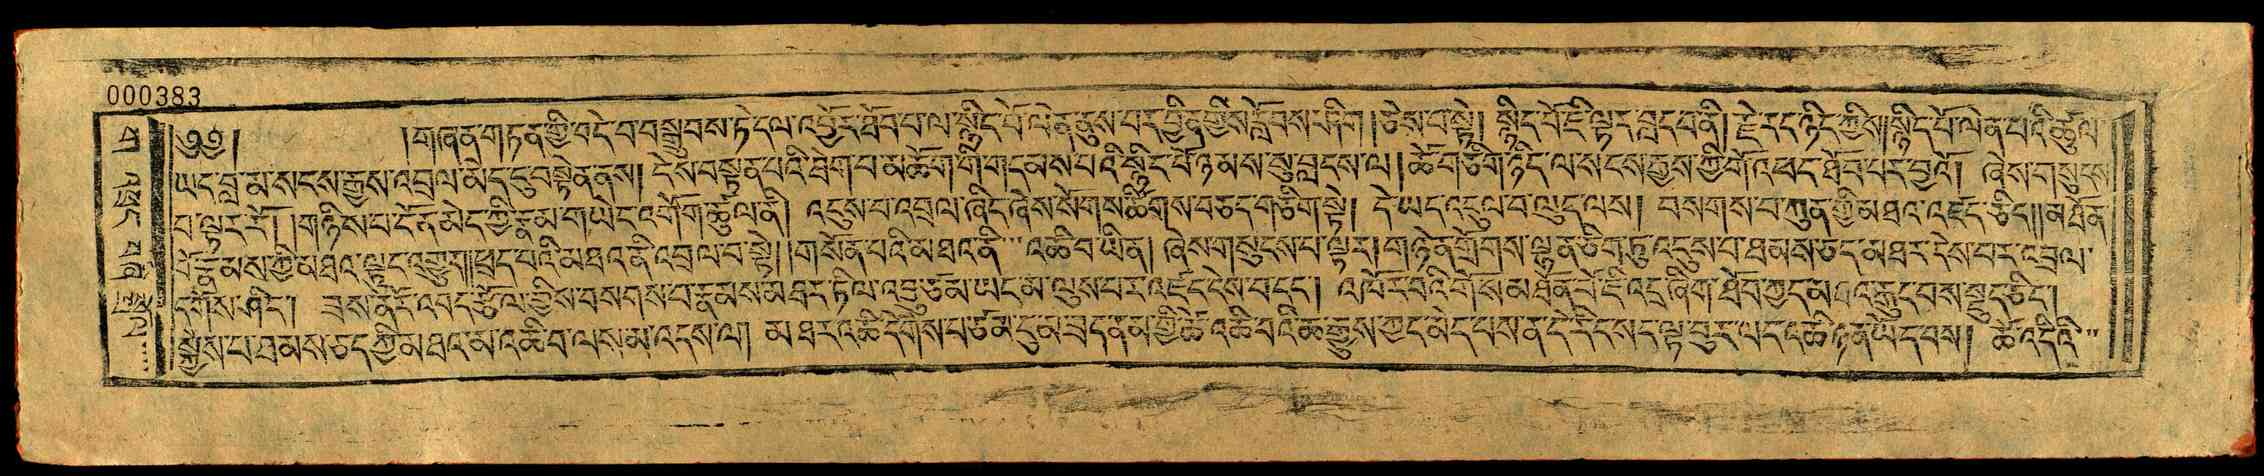༄༅། །གཞན་གཏན་གྱི་བདེ་བ་བསྒྲུབས་ཏེ་དལ་འབྱོར་ཐོབ་པ་ལ་སྙིང་པོ་ལེན་ནུས་པར་བྱིན་གྱིས་རློབས་ཤིག །ཅེས་པ་སྟེ། སྙིང་པོ་ཇི་ལྟར་བླང་བ་ནི། རྗེ་རང་ཉིད་ཀྱིས་སྙིང་པོ་ལེན་པའི་ཚུལ་
ཡང་བླ་མ་སངས་རྒྱས་འབྲལ་མེད་དུ་བསྟེན་ནས། དེས་བསྟན་པའི་ཐེག་པ་མཆོག་གི་གདམས་པའི་སྙིང་པོ་ཉམས་སུ་བླངས་ལ། ཚེ་གཅིག་ཉིད་ལ་སངས་རྒྱས་ཀྱི་གོ་འཕང་ཐོབ་པར་བྱའོ། ཞེས་གསུངས་
པ་ལྟར་རོ། །གཉིས་པ་དོན་མེད་ཀྱི་རྣམ་གཡེང་འགོག་ཚུལ་ནི། འདུས་པ་འབྲལ་ཞིང་ཞེས་སོགས་ཚིགས་བཅད་གཅིག་སྟེ། དེ་ཡང་འདུལ་བ་ལུང་ལས། བསགས་པ་ཀུན་གྱི་མཐའ་འཛད་ཅིང་། །མཐོན་
པོ་རྣམས་ཀྱི་མཐའ་ལྟུང་འགྱུར། །ཕྲད་པའི་མཐའ་ནི་འབྲལ་བ་སྟེ། །གསོན་པའི་མཐའ་ནི་འཆི་བ་ཡིན། ཞེས་གསུངས་པ་ལྟར། གཉེན་གྲོགས་ལྷན་ཅིག་ཏུ་འདུས་པ་ཐམས་ཅད་མཐར་ངེས་པར་འབྲལ་
དགོས་ཤིང་། ཟས་ནར་འབད་རྩོལ་གྱིས་བསགས་པ་རྣམས་མཐར་ཏིལ་འབྲུ་ཙམ་ཡང་མ་ལུས་པར་འཛད་ངེས་པ་དང་། འཁོར་བའི་གོས་མཐོན་པོ་ཇི་འདྲ་ཞིག་ཐོབ་ཀྱང་མཐའ་རྒུད་པས་སྡུད་ཅིང་།
སྐྱེས་པ་ཐམས་ཅད་ཀྱི་མཐའ་མ་འཆི་བ་ལས་མ་འདས་ལ། མཐར་འཆི་དགོས་པ་ཙམ་དུ་མ་ཟད་ནམ་གྱི་ཚེ་འཆི་བའི་ཆ་རྒྱུས་ཀྱང་མེད་པས་ན་དེ་རིང་སང་ལྟ་བུར་ཡང་འཆི་ཉན་ཡོད་པས། ཚེ་འདིའི་